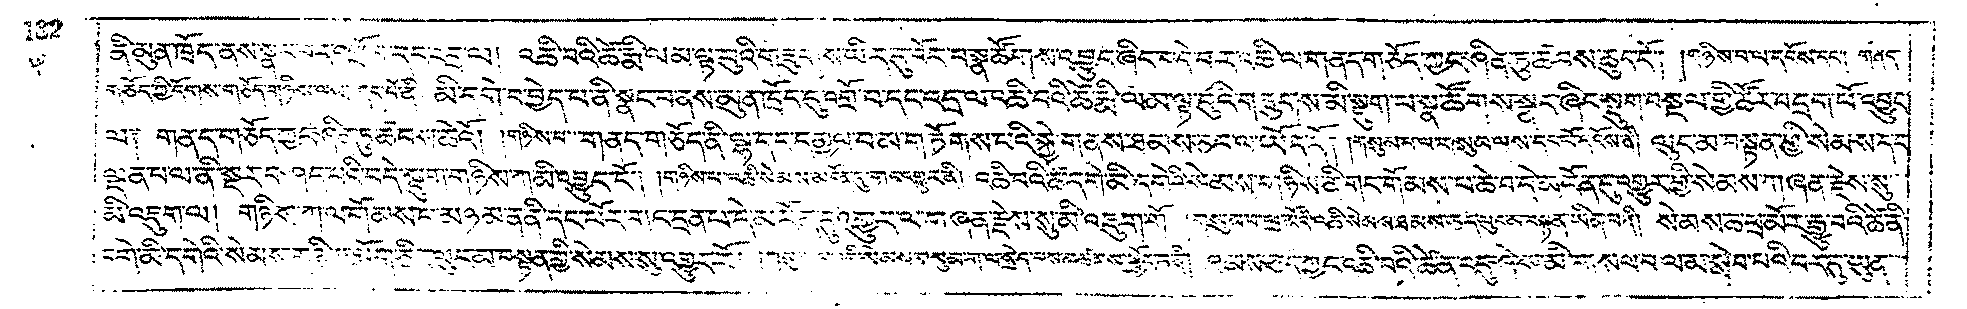ནི་མུན་ཁྲོད་ནས་སྣང་བར་འགྲོ་བ་དང་འདྲ་ལ། འཆི་བའི་ཚེ་རྨི་ལམ་ལྟ་བུའི་གཟུགས་ཡིད་དུ་འོང་བ་སྣ་ཚོགས་འབྱུང་ཞིང་བདེ་བར་འཆི་ལ་གནད་གཅོད་ཀྱང་ཤིན་ཏུ་ཚབས་ཆུང་ངོ། །གཉིས་པ་ལ་དངོས་དང་། གནད་
གཅོད་ཀྱི་དོགས་གཅོད་གཉིས་ལས། དང་པོ་ནི། མི་དགེ་བ་བྱེད་པ་ནི་སྣང་བ་ནས་མུན་ཁྲོད་དུ་འགྲོ་བ་དང་འདྲ་ལ་འཆི་བའི་ཚེ་རྨི་ལམ་ལྟ་བུའི་གཟུགས་མི་སྡུག་པ་སྣ་ཚོགས་སྣང་ཞིང་སྡུག་བསྔལ་གྱི་ཚོར་པ་དྲག་པོ་འབྱུང་
ལ༑ གནད་གཅོད་ཀྱང་ཤིན་ཏུ་ཚབས་ཆེའོ། ། གཉིས་པགནད་གཅོད་ནི་ལྷ་དང་དམྱལ་བ་མ་གཏོགས་པའི་སྐྱེ་གནས་ཐམས་ཅད་ལ་ཡོད་དོ། ། གསུམ་པ་ལ་གསུམ་ལས་དང་པོ་དངོས་ནི། ལུང་མ་བསྟན་གྱི་སེམས་དང་
ལྡན་པ་ལ་ནི་སྔར་བཤད་པའི་བདེ་སྡུག་གཉིས་ཀ་མི་འབྱུང་ངོ། ། གཉིས་པ་འཆི་སེམས་མངོན་དུ་གང་འགྱུར་ནི། འཆི་བའི་ཚེ་དགེ་མི་དགེའི་སེམས་གཉིས་ནི་གང་གོམས་པ་ཆེ་བ་དེ་མངོན་དུ་འགྱུར་གྱི་སེམས་གཞན་རྗེས་སུ་
མི་འཇུག་ལ། གཉིས་ཀ་ལ་གོམས་པ་མཉམ་ན་ནི་དང་པོར་གང་དྲན་པ་དེ་མངོན་དུ་འགྱུར་ལ་གཞན་རྗེས་སུ་མི་འཇུག་གོ། ། གསུམ་པ་ཕྲ་མོའི་འཆི་སེམས་ཐམས་ཅད་ལུང་མ་བསྟན་ཡིན་པ་ནི།  སེམས་ཆ་ཕྲ་མོར་རྒྱུ་བའི་ཚེ་ནི་
དགེ་མི་དགེའི་སེམས་གཉིས་ལྡོག་ཅིང་ལུང་མ་བསྟན་གྱི་སེམས་སུ་འགྱུར་རོ། ། གསུམ་པ་འཆི་སེམས་གསུམ་ག་ལ་སྲེད་པས་མཚམས་སྦྱོར་བ་ནི། ཐམས་ཅད་ཀྱང་འཆི་བའི་ཚེ་ན་འདུ་ཤེས་མི་གསལ་བ་ལ་མ་སླེབ་པའི་བར་དུ་ཡུན་